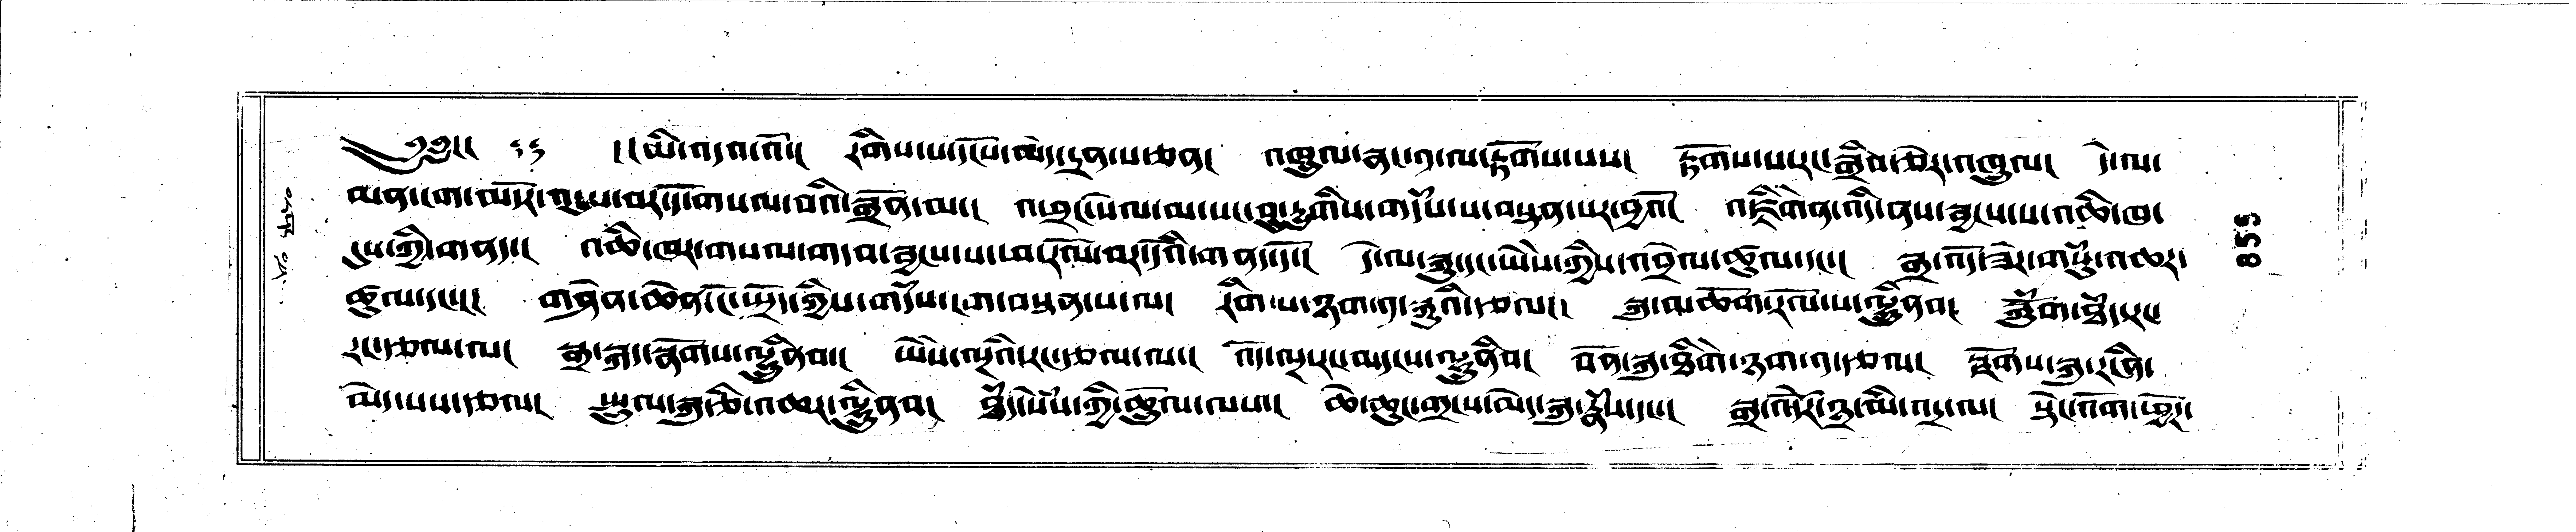མི་འདའ་འོ། །རིག་པ་དངོས་མེད་དྲན་པ་ཅན། འཁྲུལ་སྣང་གཅིག་ལ་རྟོགས་པས། རྟོགས་པ་རང་སྒྲིབ་ཅེར་འཁྲུལ། དེ་ལ་
མན་ངག་མདོར་འདུས་བར་དོ་གསལ་བའི་སྒྲོན་མ། འཕྲང་སེལ་མ་པང་བུ་རྒྱུག་གི་གདམས་པ་བསྟན་པར་བྱའོ། །འཇིག་རྟེན་འདི་ནས་སྦྱངས་པ་འཆི་ཁ་
དུས་ཀྱི་གནད། འཆི་ཁར་གསལ་གདབ་སྦྱངས་པ་ཕ་རོལ་བར་དོའི་གནད་དོ། །དེ་ལ་སྐུ་དང་ཡེ་ཤེས་ཀྱིས་འབྲེལ་ཚུལ་དང་། སྒྲ་འོད་ཟེར་གསུམ་འཆར་
ཚུལ་དང་། གཤེན་ཆེན་ངོ་སྤྲོད་ཀྱི་གདམས་ངག་བསྟན་པ་ལ། རིག་པ་ཉག་ཅིག་སྐུའི་རྩལ། །སྐུ་མཆོག་རོལ་པ་ལྷུན་གྱིས་གྲུབ། །སྐུ་མདོག་ཐམས་ཅད་རང་
རང་རྩལ་ལ། །སྒྲ་སྐད་སྣ་ཚོགས་ལྷུན་གྱིས་གྲུབ། །ཡེ་ཤེས་ལྔའི་རང་རྩལ་ལ། །འོད་ལྔ་རང་མདངས་ལྷུན་གྱིས་གྲུབ། །བོན་སྐུ་ཐིག་ལེ་ཉག་གཅིག་རྩལ། །རྫོགས་སྐུུ་རང་བཞིན་
མེད་པའི་རྩལ། །སྤྲུལ་སྐུ་ཅི་འཆར་ལྷུན་གྱིས་གྲུབ། །ཐམས་ཅད་སེམས་ཀྱི་ཆོ་འཕྲུལ་ལས། །ཆེ་ཆུང་གྲངས་མེད་སྐུ་རྣམས་དང་། །སྒྲ་འོད་ཟེར་གསུམ་མི་འདྲ་ལ། །སྟེང་འོག་ཕྱོགས་